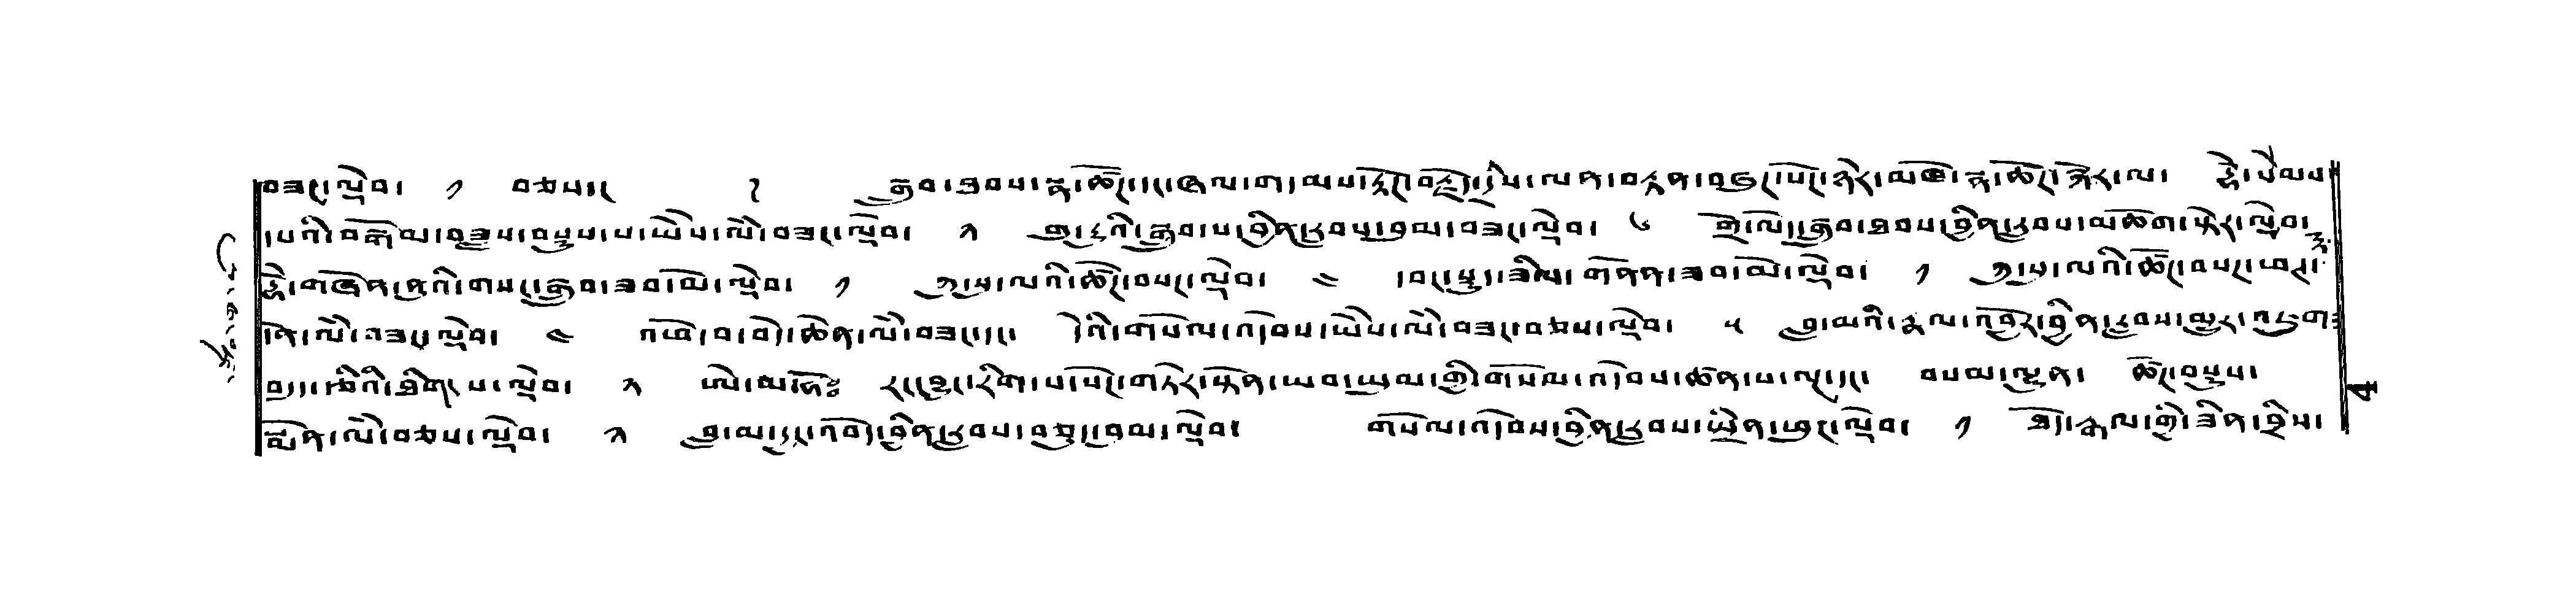བཟང་ལྡེབ། བཅས། ༈ སྒྲུབ་ཐབས་སྣ་ཚོགས་དང་། ཞལ་གདམས། རྟོགས་བརྗོད། དྲེི་ལན། བརྟན་བཞུགས་སོགས་ཉེར་མཁོ་སྣ་ཚོགས་སྐོར་ལ། རྡོ་རྗེ་སེམས་
དཔའི་སྒོམ་བཟླས་བསྡུས་པ་ཡེ་ཤེས་ལམ་བཟང་ལྡེབ། གུ་རུའི་སྒྲུབ་པ་བྱིན་རླབས་བུམ་བཟང་ལྡེབ། གྲོ་ལོད་སྒྲུབ་ཐབས་བྱིན་རླབས་མཆོག་སྟེར་ལྡེབ། 
རྡོ་རྗེ་གཞོན་ནུའི་གསང་སྒྲུབ་ཟབ་མོ་ལྡེབ། ཀུ་སཱ་ལིའི་ཚོགས་བསགས་ལྡེབ། དབང་སྡུད་ཟིལ་གནོན་ཟབ་མོ་ལྡེབ། ཀུ་སུ་ལའི་ཚོགས་བསགས་ཕཊ་
དོན་ལམ་བཟང་ལྡེབ། འཕོ་བ་བདེ་ཆེན་ལམ་བཟང་དང་། དེའི་གསོལ་འདེབས་ཡེ་ཤེས་ལམ་བཟང་བཅས་ལྡེབ། བླ་མའི་རྣལ་འབྱོར་བྱིན་རླབས་མྱུར་འཇུག་
བདུད་རྩིའི་ཐིག་པ་ལྡེབ། ཨེ་མ་ཧོཿ རང་བྱུང་རིག་པ་སོགས་གཏེར་སྟོན་ཡབ་ཡུམ་གྱི་གསོལ་འདེབས་ཚན་པ་ལྔ་དང་། བསམ་ལྷུན། ཚོགས་བསྡུས་
སྨོན་ལམ་བཅས་ལྡེབ། བླ་མ་རྒྱང་འབོད་བྱིན་རླབས་བཅུད་བུམ་ལྡེབ། གསོལ་འདེབས་བྱིན་རླབས་སྤྲིན་ཕུང་ལྡེབ། ཐོད་རྒལ་གྱི་ཟིན་བྲིས་